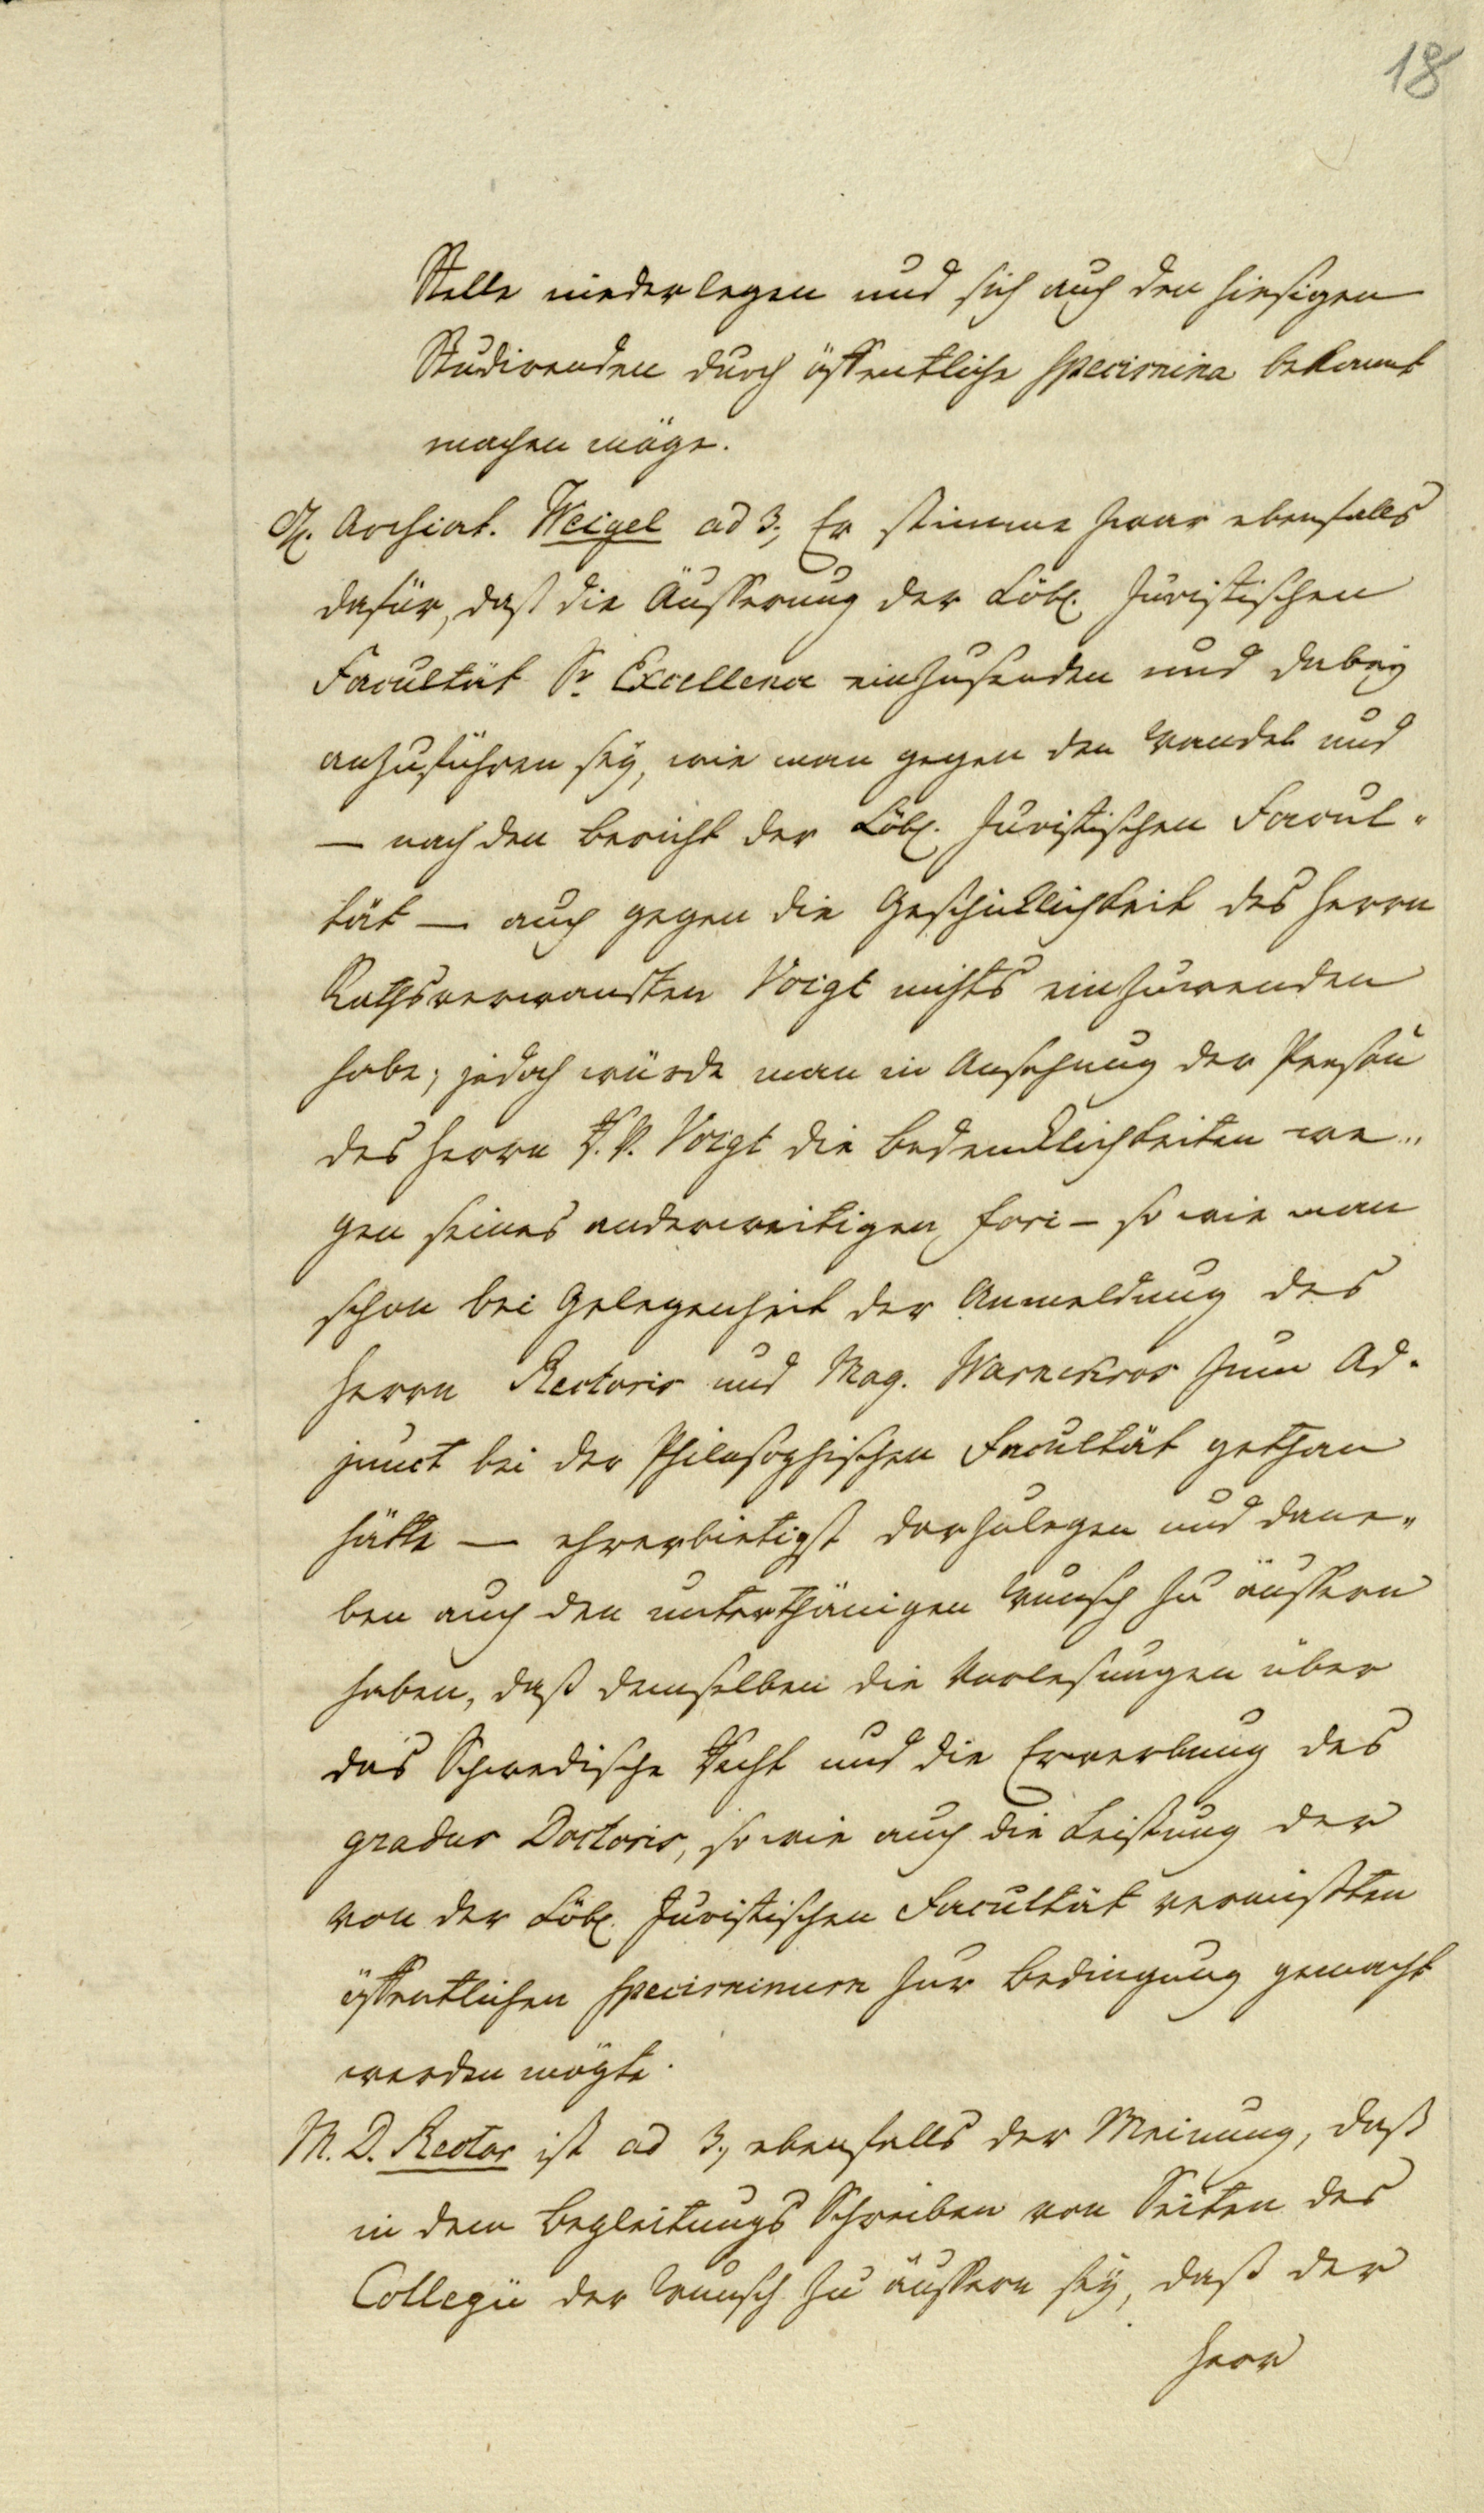Stelle niederlegen und sich auch den hiesigen
Studirenden durch öffentliche specimina bekannt
machen möge.
dh. Archiat. Weigel ad 3., Er stimme zwar ebenfalls
dafür, daß die Äusserung der Löbl. Juristischen
Facultät Sr. Excellence einzusenden und dabeÿ
anzuführen seÿ, wie man gegen den Wandel und
nach den Bericht der Löbl. Juristischen Facul¬
tät auch gegen die Geschicklichkeit des herrn
Rathsverwandten Voigt nichts einzuwenden
habe, jedoch würde man in Ansehung der Person
des herrn R. V. Voigt die Bedencklichkeiten we¬
gen seines anderweitigen Fori so wie man
schon bei Gelegenheit der Anmeldung des
herrn Rectoris und Mag. Warnekros zum Ad¬
junct bei der Philosophischen Facultät gethan
hätte ehrerbietigst darzulegen und dane¬
ben auch den unterthänigen Wunsch zu äussern
haben, daß demselben die Vorlesungen über
das Schwedische Recht und die Erwerbung des
gradus Doctoris, so wie auch die Leistung der
von der Löbl. Juristischen Facultät vermißten
öffentlichen speciminum zur Bedingung gemacht
werden mögte.
M. D. Rector ist ad 3., ebenfalls der Meinung, daß
in dem Begleitungs Schreiben von Seiten der
Collegii der Wunsch zu äussern seÿ, daß der
herr